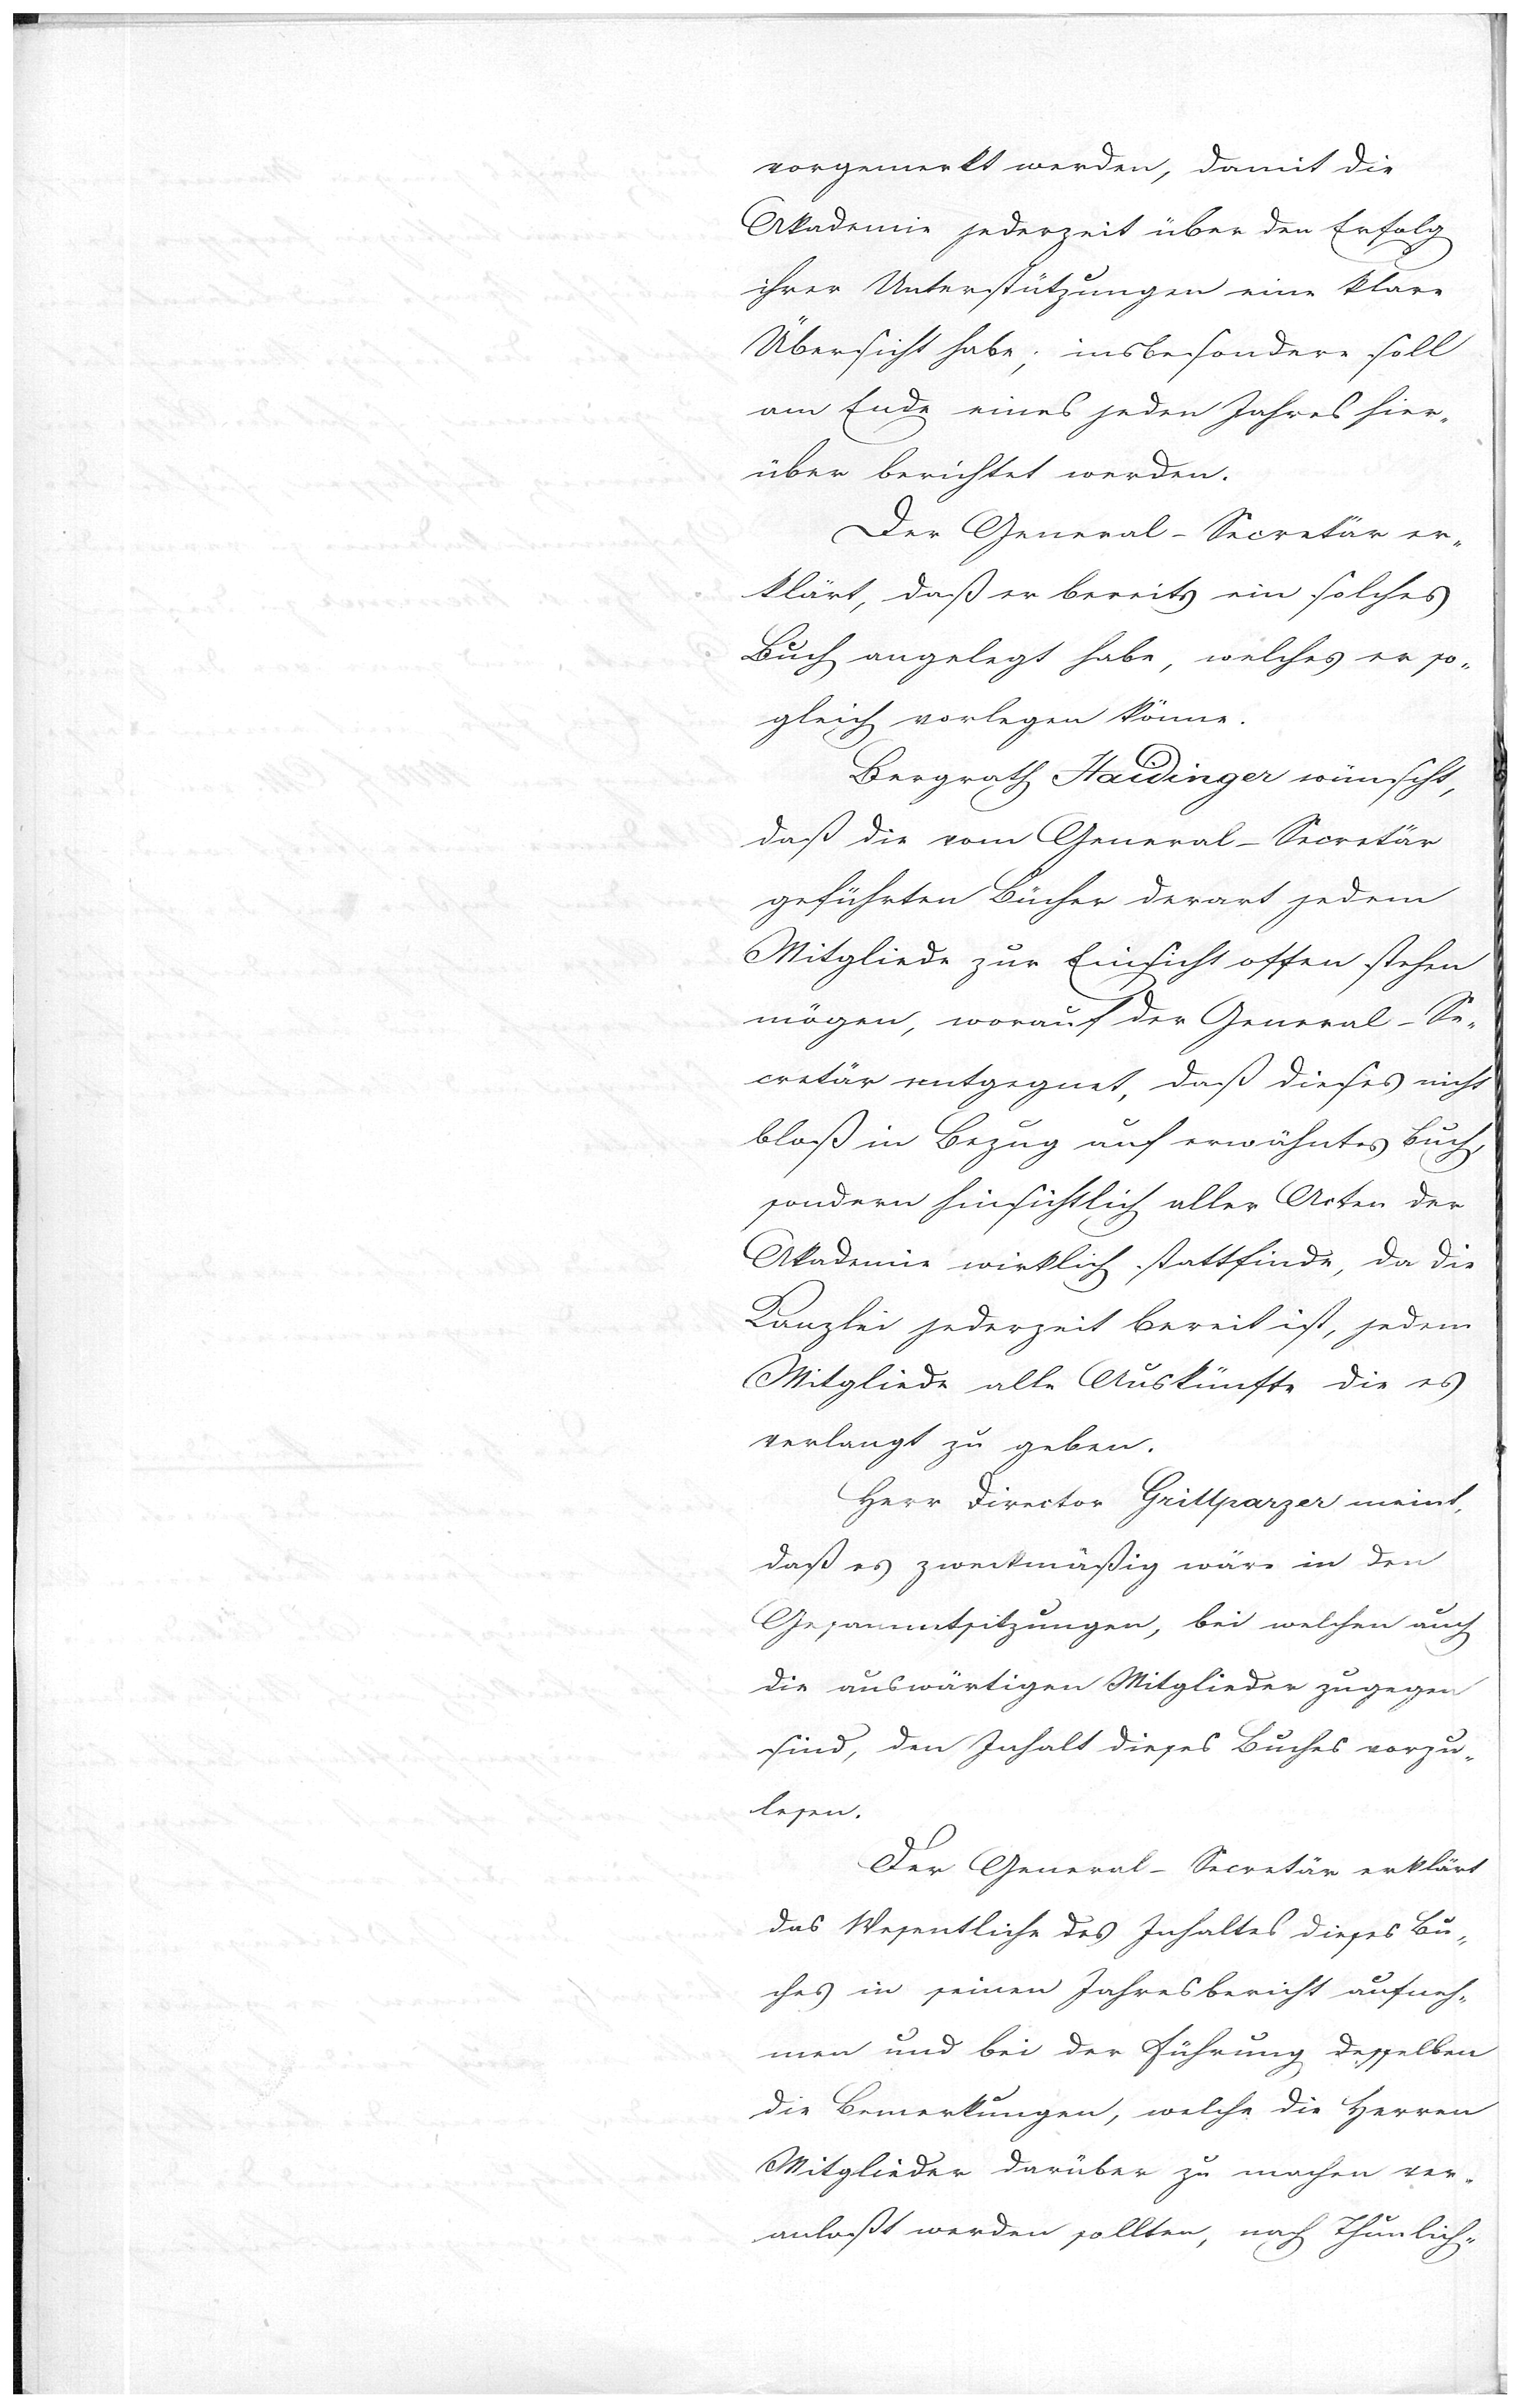vorgemerkt werden, damit die
Akademie jederzeit über den Erfolg
ihrer Unterstützungen eine klare
Übersicht habe; insbesondere soll
am Ende eines jeden Jahres hier-
über berichtet werden.
Der General-Secretär er-
klärt, daß er bereits ein solches
Buch angelegt habe, welches er so-
gleich vorlegen könne.
Bergrath Haidinger wünscht,
daß die vom General-Secretär
geführten Bücher derart jedem
Mitgliede zur Einsicht offen stehen
mögen, worauf der General-Se-
cretär entgegnet, daß dieses nicht
bloß in Bezug auf erwähntes Buch,
sondern hinsichtlich aller Acten der
Akademie wirklich stattfinde, da die
Kanzlei jederzeit bereit ist, jedem
Mitgliede alle Auskünfte, die es
verlangt zu geben.
Herr Director Grillparzer meint,
daß es zweckmäßig wäre in den
Gesammtsitzungen, bei welchen auch
die auswärtigen Mitglieder zugegen
sind, den Inhalt dieses Buches vorzu-
lesen.
Der General-Secretär erklärt
das Wesentliche des Inhaltes dieses Bu-
ches in seinen Jahresbericht aufneh-
men und bei der Führung desselben
die Bemerkungen, welche die Herren
Mitglieder darüber zu machen ver-
anlaßt werden sollten, nach Thunlich-